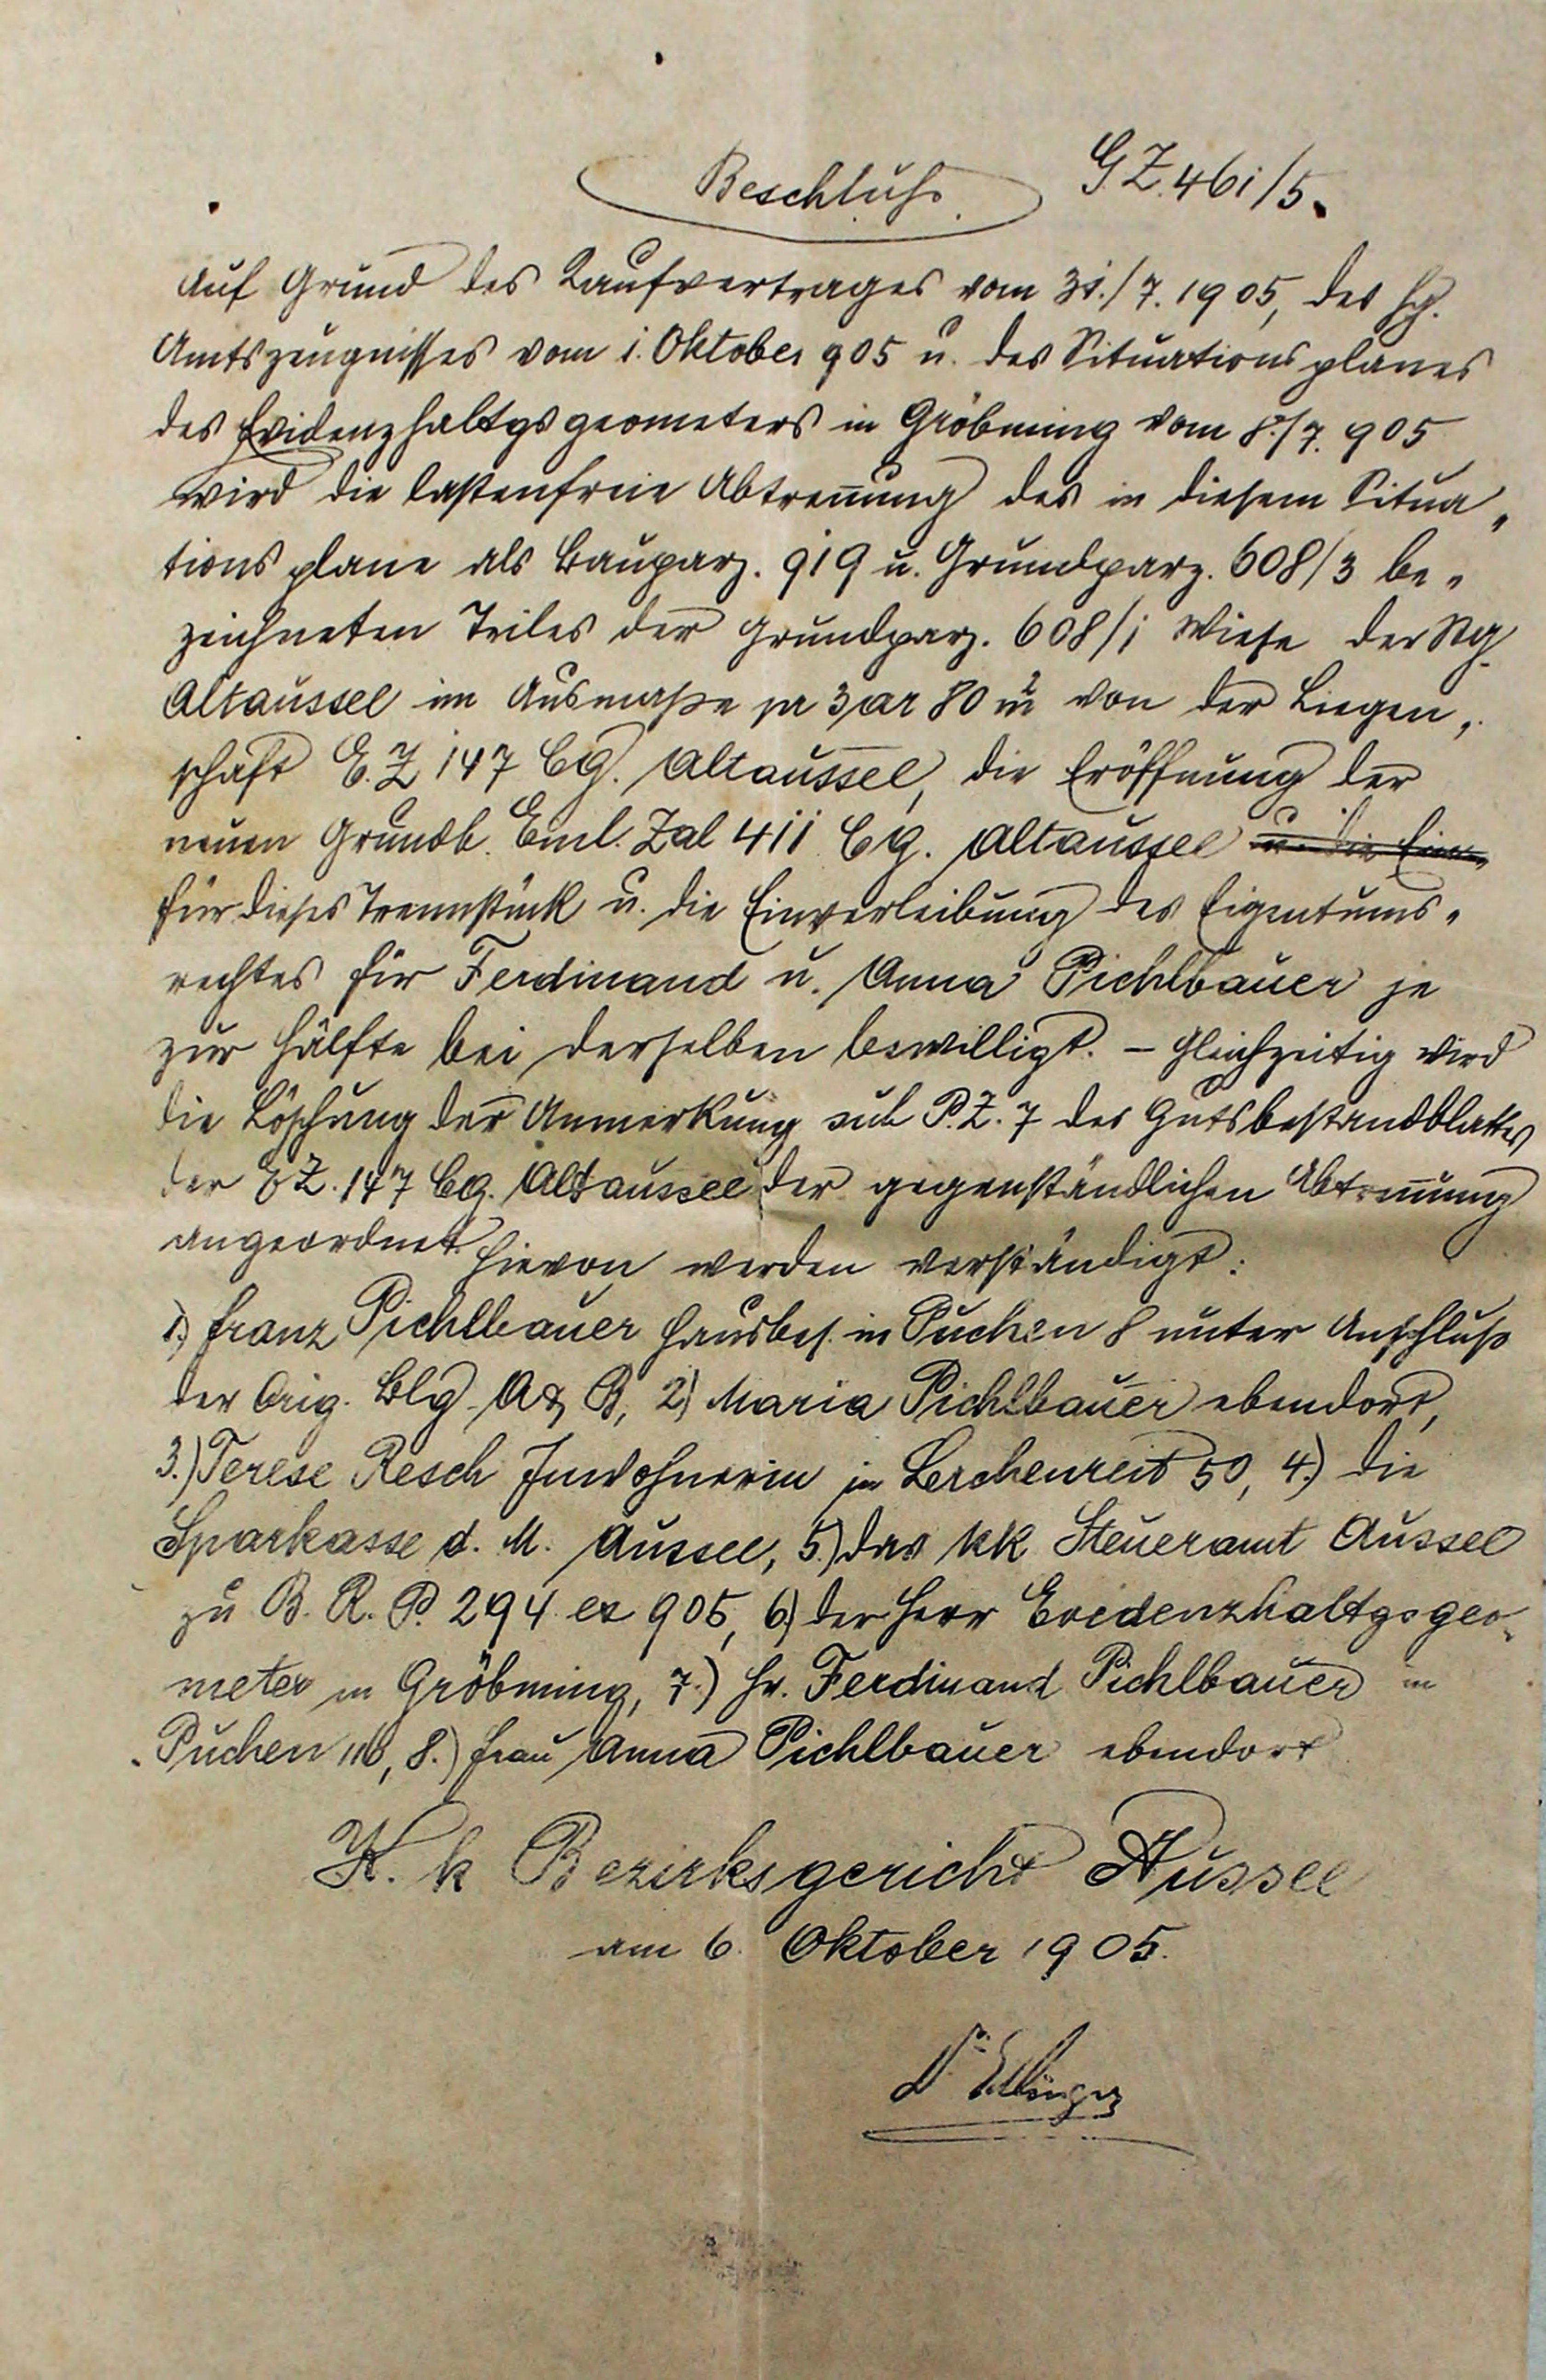G.Z. 461/5.
Beschluss.
Auf Grund des Kaufvertrages vom 31./7.1905, des hg.
Amtszeugnisses vom 1. Oktober 905 u. des Situationsplanes
des Evidenzhaltgsgeometers in Gröbming vom 8./7.905
wird die lastenfreie Abtrennung des in diesem Situa„
tionsplane als Bauparz. 919 u. Grundparz. 608/3 be„
zeichneten Teiles der Grundparz. 608/1 Wiese der Stg
Altaussee im Ausmaße pr 3 ar 80 m2 von der Liegen,
schaft E.Z 147 Gg. Altaussee, die Eröffnung der
neuen Grundb. Einl. Zal 411 Cg. Altaussee
für dieses Trennstück u. die Einverleibung des Eigentums„
rechtes für Ferdinand u. Anna Pichlbauer je
zur hälfte bei derselben bewilligt. - Gleichzeitig wird
die Löschung der Anmerkung such P.Z. 7 des Gutsbestandblattes
der EZ. 147 Cg. Altaussee der gegenständlichen Abtrennung
angeordnet.
Hievon werden verständigt:
1.) Franz Pichlbauer Hausbes. in Puchen 8 unter Anschluss
der Orig. Blg. A & B, 2) Maria Pichlbauer ebendort,
3.) Terese Resch Jnwohnerin in Lerchenreit 50, 4.) Die
Sparkasse d. M. Aussee, 5.) Das kk Steueramt Aussee
zu B.R.P. 294. et 905, 6.) Der Herr Evidenzhaltgsgeo„
meter in Gröbming, 7.) Hr. Ferdinand Pichlbauer in
Puchen 116, 8.) Frau Anna Pichlbauer ebendort
K. k Bezirksgericht Aussee
am 6. Oktober 1905
D???